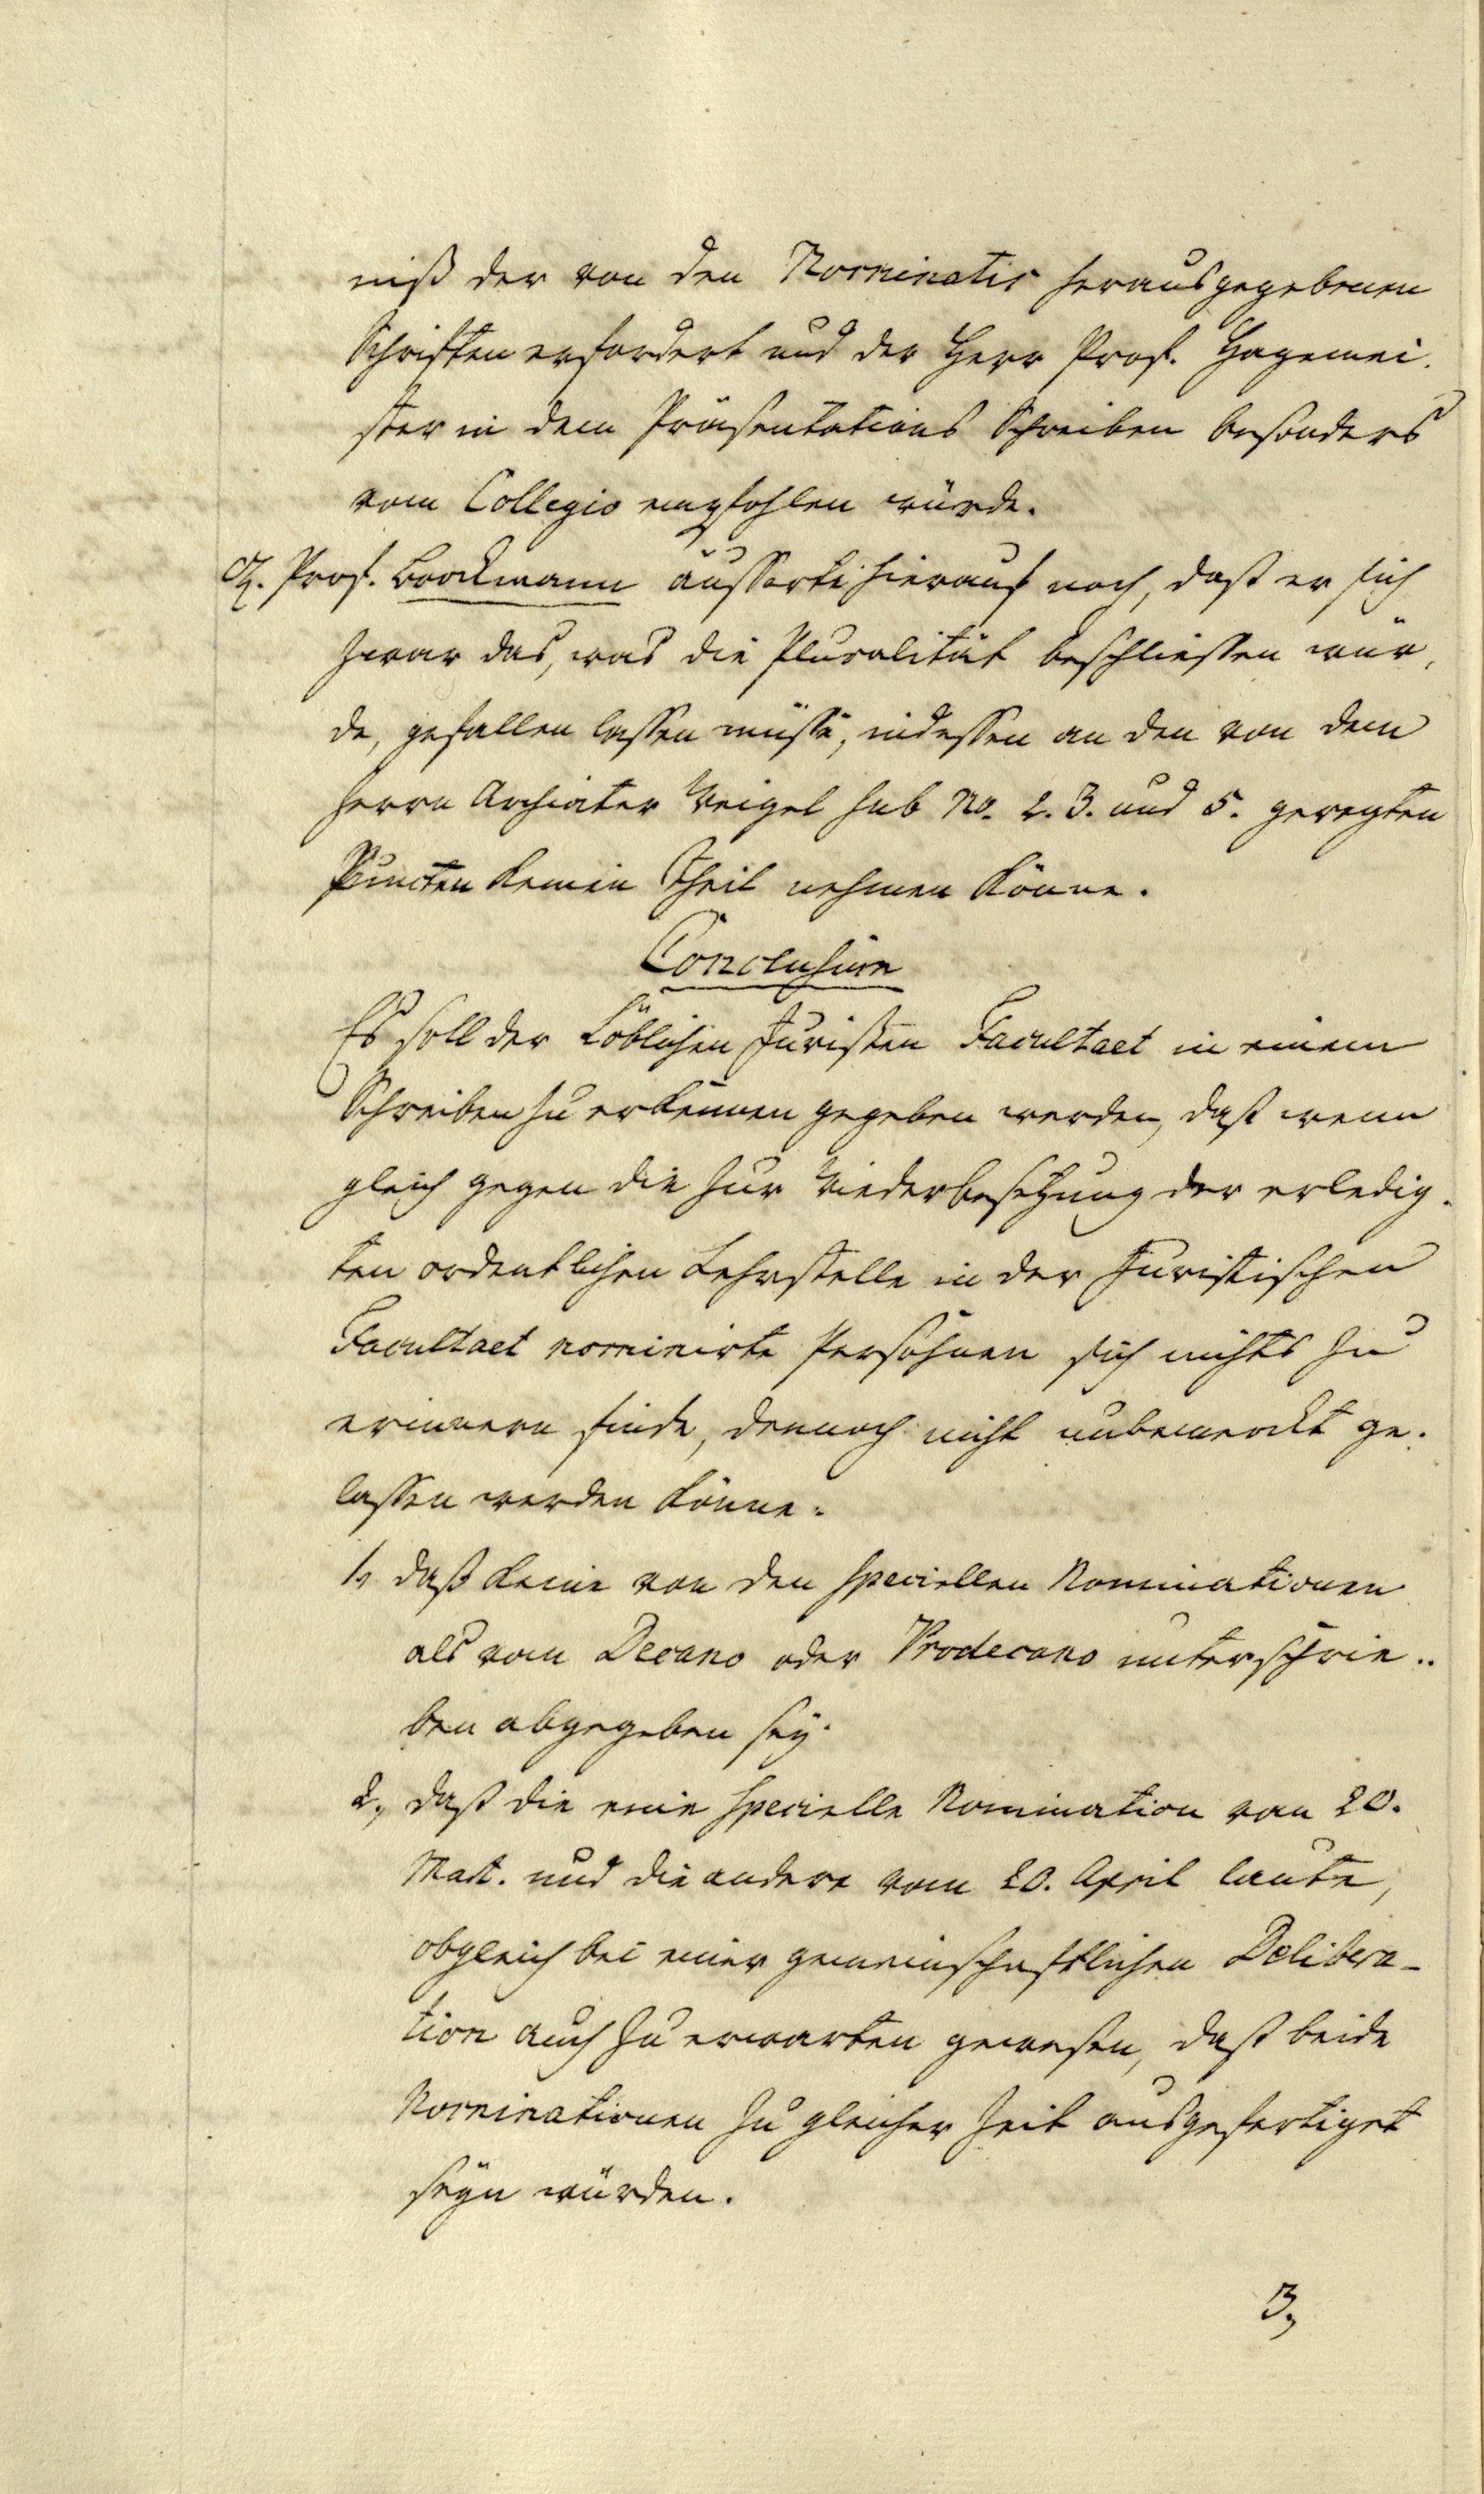niß der von den Nominatis herausgegebenen
Schriften erfordert und der Herr Prof. Hagemei¬
ster in dem Präsentations Schreiben besonders
vom Collegio empfohlen würde.
dh. Prof. Brockmann äusserte hierauf noch, daß er sich
zwar das, was die Pluralität beschliessen wür¬
de, gefallen lassen müsse, indessen an den von dem
Herrn Archiater Weigel sub No. 2. 3. und 5. geregten
Puncten keinen Theil nehmen könne.
Conclusum
Es soll der Löblichen Juristen Facultaet in einem
Schreiben zu erkennen gegeben werden, daß wenn
gleich gegen die zur Wiederbesetzung der erledig¬
ten ordentlichen Lehrstelle in der Juristischen
Facultaet nominirte Persohnen sich nichts zu
erinnern finde, dennoch nicht unbemerckt ge¬
lassen werden könne:
1, daß keine von den speciellen Nominationen
als vom Decano oder Prodecano unterschrie¬
ben abgegeben seÿ.
2., daß die eine specielle Nomination vom 20.
Mart. und die andere vom 20. April laute,
obgleich bei einer gemeinschftlichen Delibera¬
tion auch zu erwarten gewesen, daß beide
Nominationen zu gleicher Zeit ausgefertiget
seÿn würden.
3.,